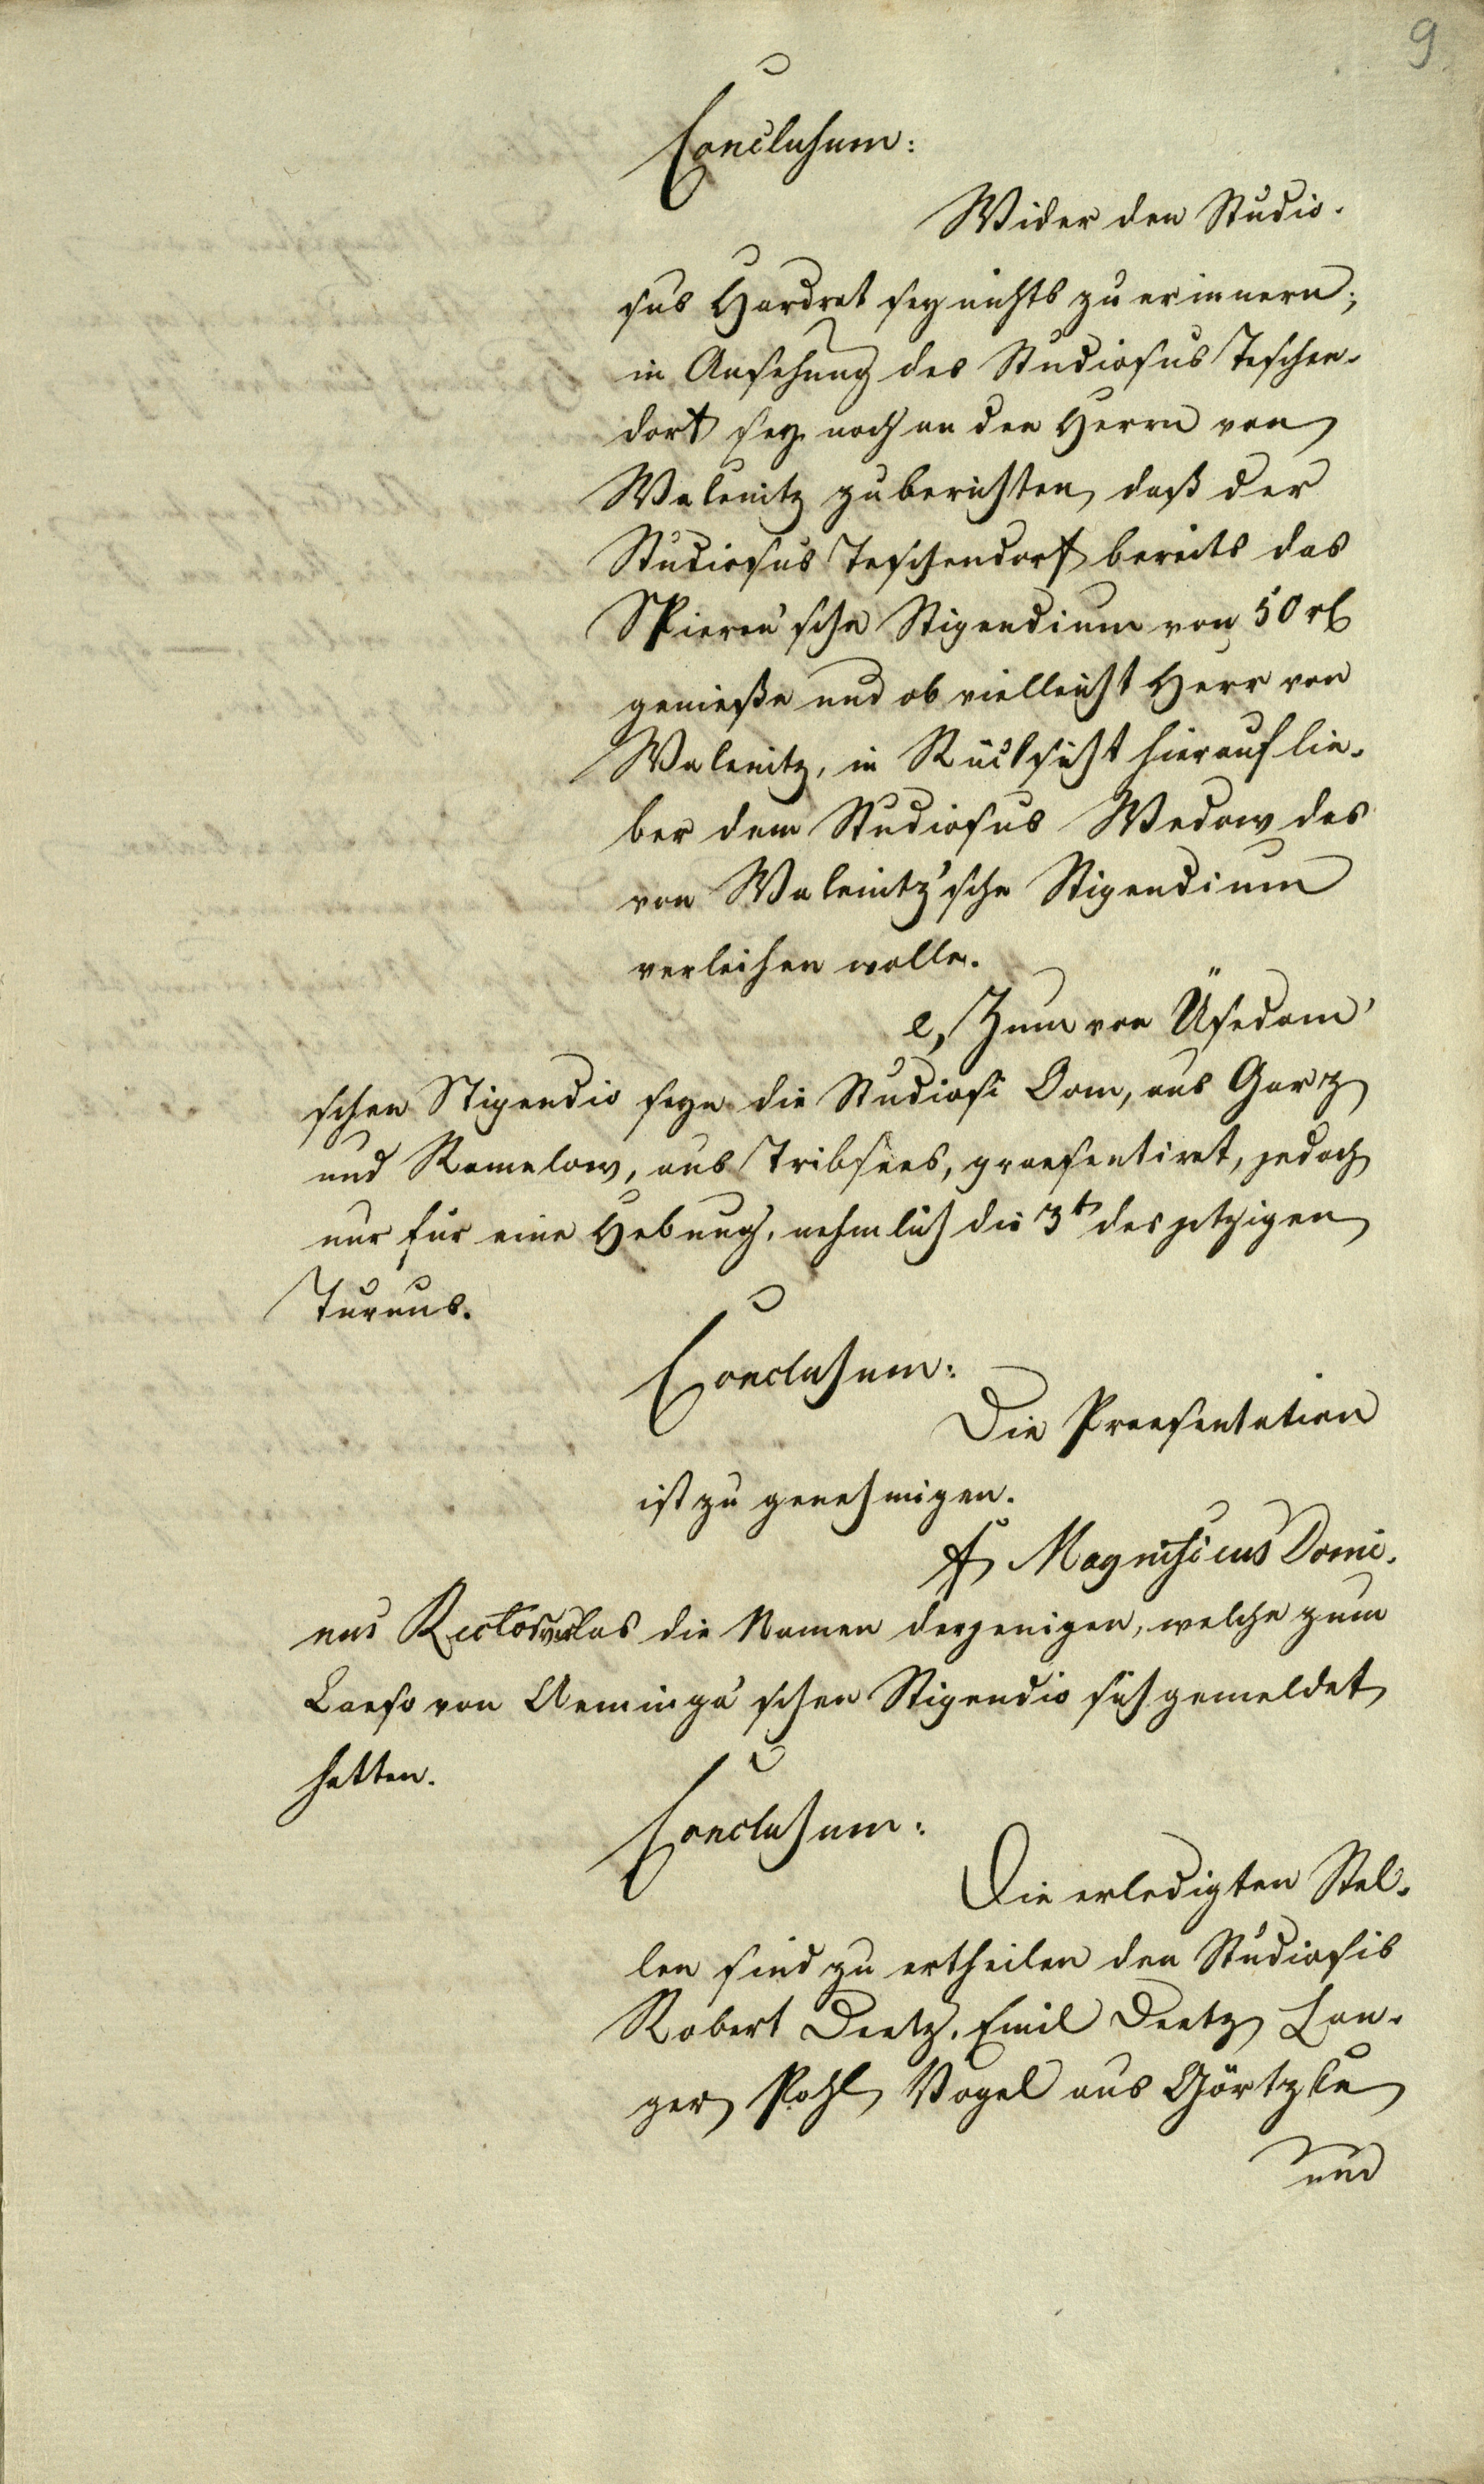Conclusum:
Wider den Studio¬
sus Hardrat sey nichts zu erinnern;
in Ansehung des Studiosus Teschen¬
dorf sey noch an den Herrn von
Wakenitz zu berichten, daß der
Studiosus Teschendorf bereits das
Spieren'sche Stipendium von 50 r.
genieße und ob vielleicht Herr von
Wakenitz, in Rücksicht hierauf lie¬
ber dem Studiosus Wedow das
von Wakenitz'sche Stipendium
verleihen wolle.
e, Zum von Usedom'
schen Stipendio seyn die Studiosi Oom, aus Garz
und Ramelow, aus Tribsees, praesentiret, jedoch
nur für eine Hebung, nehmlich die 3te des jetzigen
Turnus.
Conclusum:
Die Praesentation
ist zu genehmigen.
f, Magnificus Domi¬
nus Rector verlas die Namen derjenigen, welche zum
Caeso von Aeminga'schen Stipendio sich gemeldet
hatten.
Conclusum:
Die erledigten Stel¬
len sind zu ertheilen den Studiosis
Robert Deetz, Emil Deetz, Lan¬
ger, Pohl, Vogel aus Görtzke
und